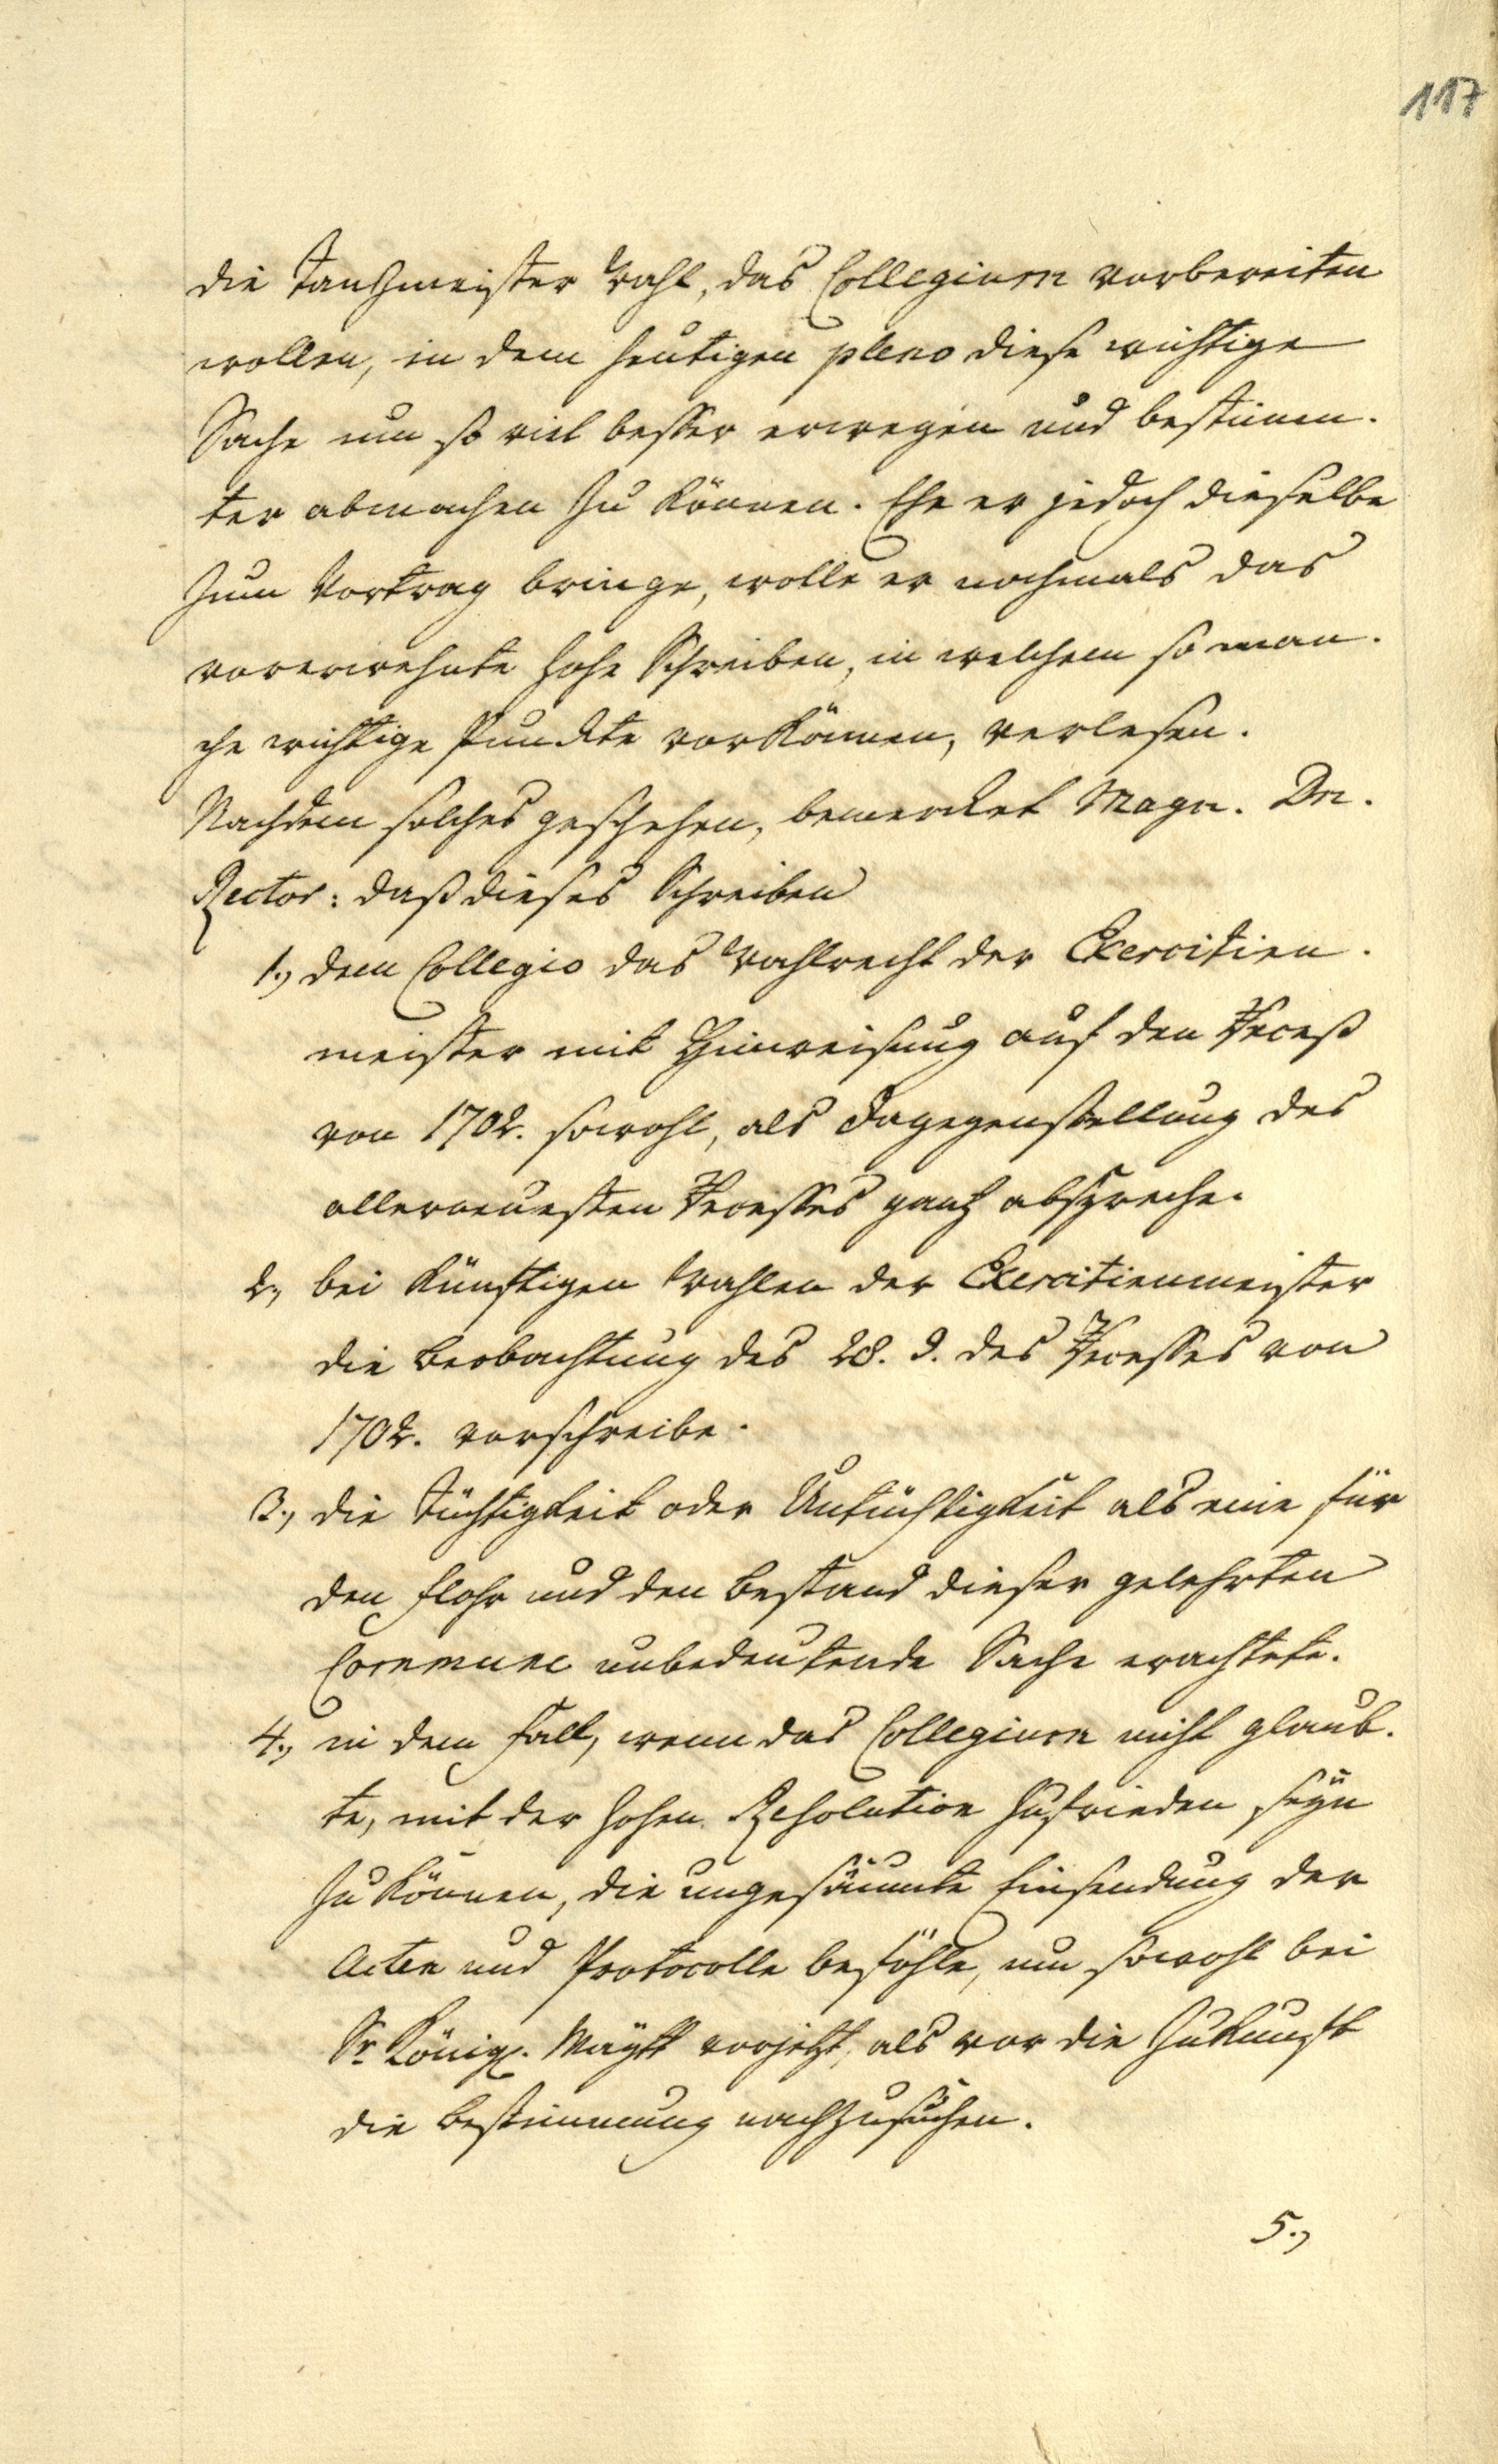die Tanzmeister Wahl, das Collegium vorbereiten
wollen, in dem heutigen pleno diese wichtige
Sache um so viel besser erwegen und bestimm¬
ter abmachen zu können. Ehe er jedoch dieselbe
zum Vortrag bringe, wolle er nochmals das
vorerwehnte hohe Schreiben, in welchem so man¬
che wichtige Punckte vorkämen, verlesen.
Nachdem solches geschehen, bemercket Magn. Dn.
Rector: daß dieses Schreiben
1., dem Collegio das Wahlrecht der Exercitien¬
meister mit Hinweisung auf den Receß
von 1702. sowohl, als Dagegenstellung des
allerneuesten Recesses ganz abspreche.
2., bei künftigen Wahlen der Exercitienmeister
die Beobachung des 28. §. des Recesses von
1702. vorschreibe.
3., die Tüchtigkeit oder Untüchtigkeit als eine für
den Flohr und den Bestand dieser gelehrten
Commune unbedeutende Sache erachtete.
4., in dem Fall, wenn das Collegium nicht glaub¬
te, mit der hohen Resolution zufrieden seÿn
zu können, die ungesäumte Einsendung der
Acten und Protocolle beföhle, um sowohl bei
Sr. Königl. Maÿtt vorjetzt, als vor die Zukunft
die Bestimmung nachzusuchen.
5.,